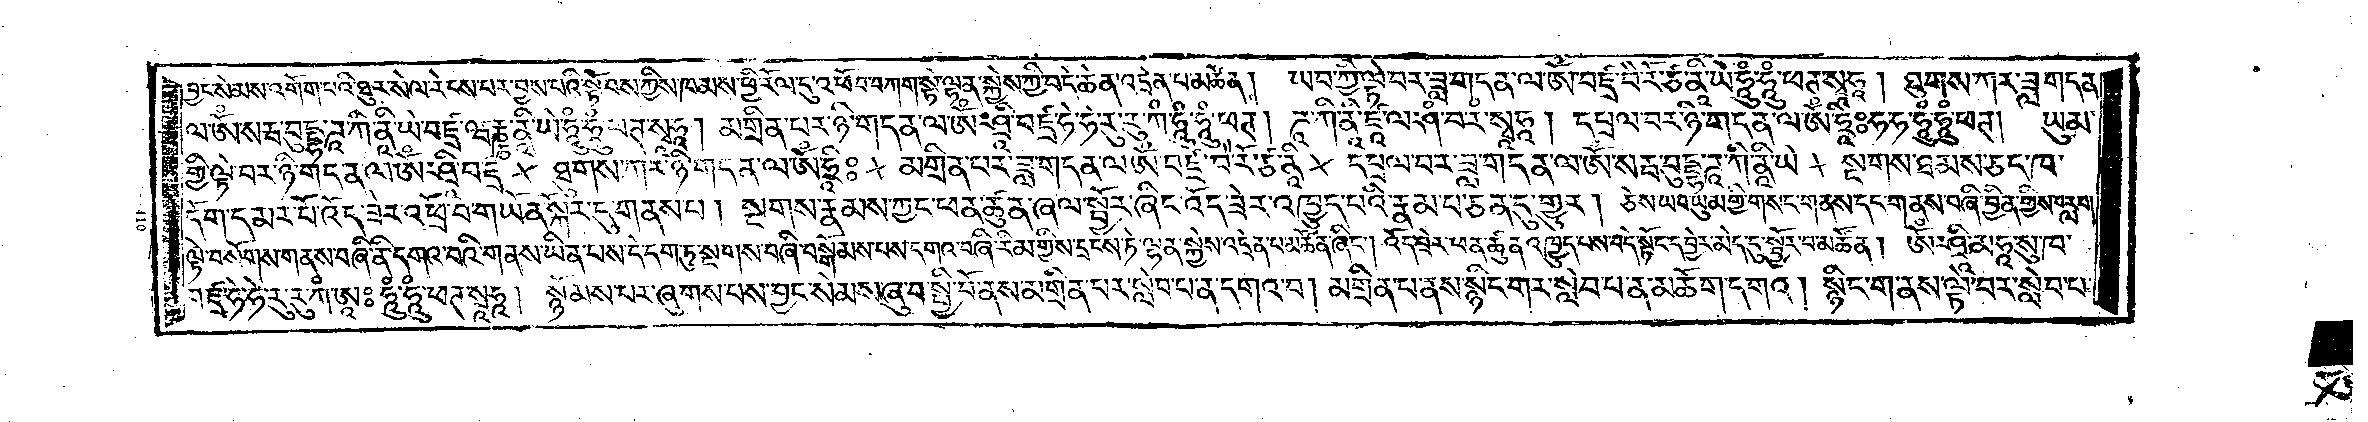དྱཱ་སེམས་འགོག་པའི་ཐུར་སེལ་རེངས་པར་བྱས་པའི་སྟོབས་ཀྱིས་ཁམས་ཕྱི་རོལ་དུ་འཕོབ་བཀག་སྟེ་ལྷན་སྐྱེས་ཀྱི་བདེ་ཆེན་འདྲེན་པ་མཚོན། ཡག་ཀྱི་ལྟེ་བར་ཟླ྾་གདན྾་ལ་ཨོཾ་བཛྲ་བཻ་རོ་ཙ་ནཱི་ཡེ་ཧཱུཾ་ཧཱུཾ་ཕཊ་སྭཱཧཱ། ཐུགས་ཀར་ཟླ་གདན་
ལ་ཨོཾ་སརྦ་བུདྡྷ་ཌཱ་ཀི་ནཱི་ཡེ་བཛྲ་ཝ་རྞྞ་ནཱི་ཡེ་ཧཱུཾ་ཧཱུཾ་ཕཊ་སྭཱཧཱ། མགྲིན་པར་ཉི་གདན་ལ་ཨོཾ་ཤྲཱི་བཛྲ་ཧེ་ཧེ་རུ་རུ་ཀཾ་ཧཱུཾ་ཧཱུཾ་ཕཊ། ཌཱ་ཀི་ནཱི་ཛཱ་ལ་ཤཾ་བར་སྭཱཧཱ། དཔྲལ་བར་ཉི་གདན་ལ་ཨོཾ་ཧྲིལཿ ཧ་ཧ་ཧཱུཾ་ཧཱུཾ་ཕཊ། ཡུམ་
གྱི་ལྟེ་བར་ཉི་གདན་ལ་ཨོཾ་ཤྲཱི་བཛྲ་྾་ཐུགས་ཀར་ཉི་གདན་ལ་ཨོཾ་ཧྲཱིཿ྾་མགྲིན་པར་ཟླ་གདན་ལ་ཨོཾ་བཛྲ་བཻ་རོ་ཙ་ནཱི྾་དཔྲལ་བར་ཟླ་གདན་ལ་ཨོཾ་སརྦ་བུདྡྷ་ཌཱ་ནཱི་ཡེ྾་ཐམས་ཅད་ཁ་
དོག་དམར་པོ་འོད་ཟེར་འཕྲོ་བ་གཡོན་སྐོར་དུ་གནས་པ། སྔགས་རྣམས་ཀྱང་ཕན་ཚུན་ཞལ་སྦྱོར་ཞིང་འོད་ཟེར་འཁྱུད་པའི་རྣམ་པ་ཅན་དུ་གྱུར། ཅེས་ཡབ་ཡུམ་གྱི་གསང་གནས་དང་གནས་བཞི་བྱིན་གྱིས་བརླབ།
ལྟེ་བ་སོགས་གནས་བཞི་ནི་དགའ་བའི་གནས་ཡིན་པས་དེ་དག་སྔགས་བཞི་བསོམས་པས་དགའ་བཞི་རིམ་གྱིས་དྲངས་ཏེ་ལྷན་སྐྱེས་འདྲེན་པ་མཚོན་ཞིང་། འོད་ཟེར་ཕན་ཚུན་འཁྱུད་པས་བདེ་སྟོང་དབྱེར་མེད་དུ་སྦྱོར་བ་མཚོན། ཨོཾ་ཤྲཱི་མཧཱ་སུ་ཁ་
བཛྲ་ཧེ་ཧེ་རུ་རུ་ཀཾ་ཨཱཿཧཱུཾ་ཧཱུཾ་ཕཊ་སྭཱཧཱ། སྙོམས་པར་ཞུགས་པས་བྱང་སེམས་ཞུ་བ་སྤྱི་བོ་ནས་མགྲིན་པར་སླེབ་པ་ན་དགའ་བ། མགྲིན་པ་ནས་སྙིང་གར་སླེབ་པ་ན་མཆོག་དགའ། སྙིང་གནས་ལྟེ་བར་སླེབ་པ་